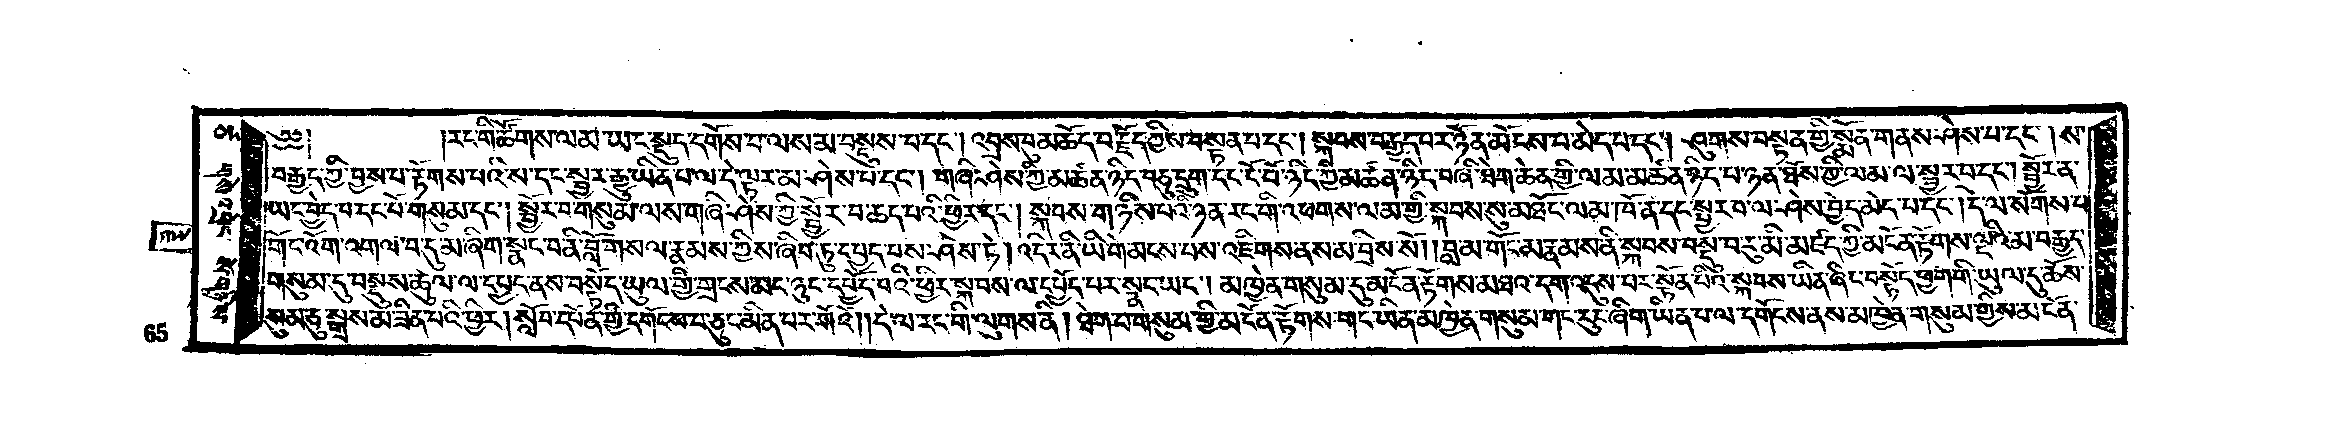༄༅། །རང་གི་ཚོགས་ལམ་ཡང་སྡུད་དགོས་པ་ལས་མ་བསྡུས་པ་དང་། འབྲས་བུ་མཆོད་བརྗོད་ཀྱིས་བསྟན་པ་དང་། སྐབས་བརྒྱད་པར་ཉོན་མོངས་པ་མེད་པ་དང་། ཤུགས་བསྟན་གྱི་སྨོན་གནས་ཤེས་པ་དང་། ས་
བརྒྱད་ཀྱི་བྱས་པ་རྟོགས་པའི་ས་དང་སྦྱར་རྒྱུ་ཡིན་པ་ལ་དེ་ལྟར་མ་ཤེས་པ་དང་། གཞི་ཤེས་ཀྱི་མཚན་ཉིད་བཅུ་དྲུག་དང་ངོ་བོ་ཉིད་ཀྱི་མཚན་ཉིད་བཞི་ཐེག་ཆེན་གྱི་ལམ་མཚན་ཉིད་པ་ཉན་ཐོས་ཀྱི་ལམ་ལ་སྦྱར་བ་དང་། སྦྱོར་ན་
ཡང་བྱེད་པ་དང་པོ་གསུམ་དང་། སྦྱོར་བ་གསུམ་ལས་གཞི་ཤེས་ཀྱི་སྦྱོར་བ་ཆད་པའི་ཕྱིར་དང་། སྐབས་གཉིས་པའི་ཉན་རང་གི་འཕགས་ལམ་གྱི་སྐབས་སུ་མཐོང་ལམ་ཁོ་ན་དང་སྦྱར་བ་ལ་ཤེས་བྱེད་མེད་པ་དང་། དེ་ལ་སོགས་པ་
གོང་འོག་འགལ་བ་དུ་མ་ཞིག་སྣང་བ་ནི་བློ་གསལ་རྣམས་ཀྱིས་ཞིབ་ཏུ་དཔྱད་པས་ཤེས་ཏེ། འདིར་ནི་ཡི་གེ་མངས་པས་འཇིགས་ནས་མ་བྲིས་སོ། །བླ་མ་གོང་མ་རྣམས་ནི་སྐབས་བསྡུ་བ་རུ་མི་མཛད་ཀྱི་མངོན་རྟོགས་ལྔའམ་བརྒྱད་
གསུམ་དུ་བསྡུས་ཚུལ་ལ་དཔྱད་ནས་བསྟོད་ཡུལ་གྱི་གྲངས་མང་ཉུང་དཔྱོད་པའི་ཕྱིར་སྐབས་ལ་དཔྱོད་པར་སྣང་ཡང་། མཁྱེན་གསུམ་དུ་མངོན་རྟོགས་མཐའ་དག་འདུས་པར་སྟོན་པའི་སྐབས་ཡིན་ཞིང་བསྟོད་ཕྱག་གི་ཡུལ་དུ་ཆོས་
སུམ་ཅུ་སྒྲས་མ་ཟིན་པའི་ཕྱིར། སློབ་དཔོན་གྱི་དགོངས་པ་ཅུང་མིན་པར་གོའོ། །དེ་ལ་རང་གི་ལུགས་ནི། ཐེག་པ་གསུམ་གྱི་མངོན་རྟོགས་གང་ཡིན་མཁྱེན་གསུམ་གང་རུང་ཞིག་ཡིན་པ་ལ་དགོངས་ནས་མཁྱེན་གསུམ་གྱིས་མངོན་